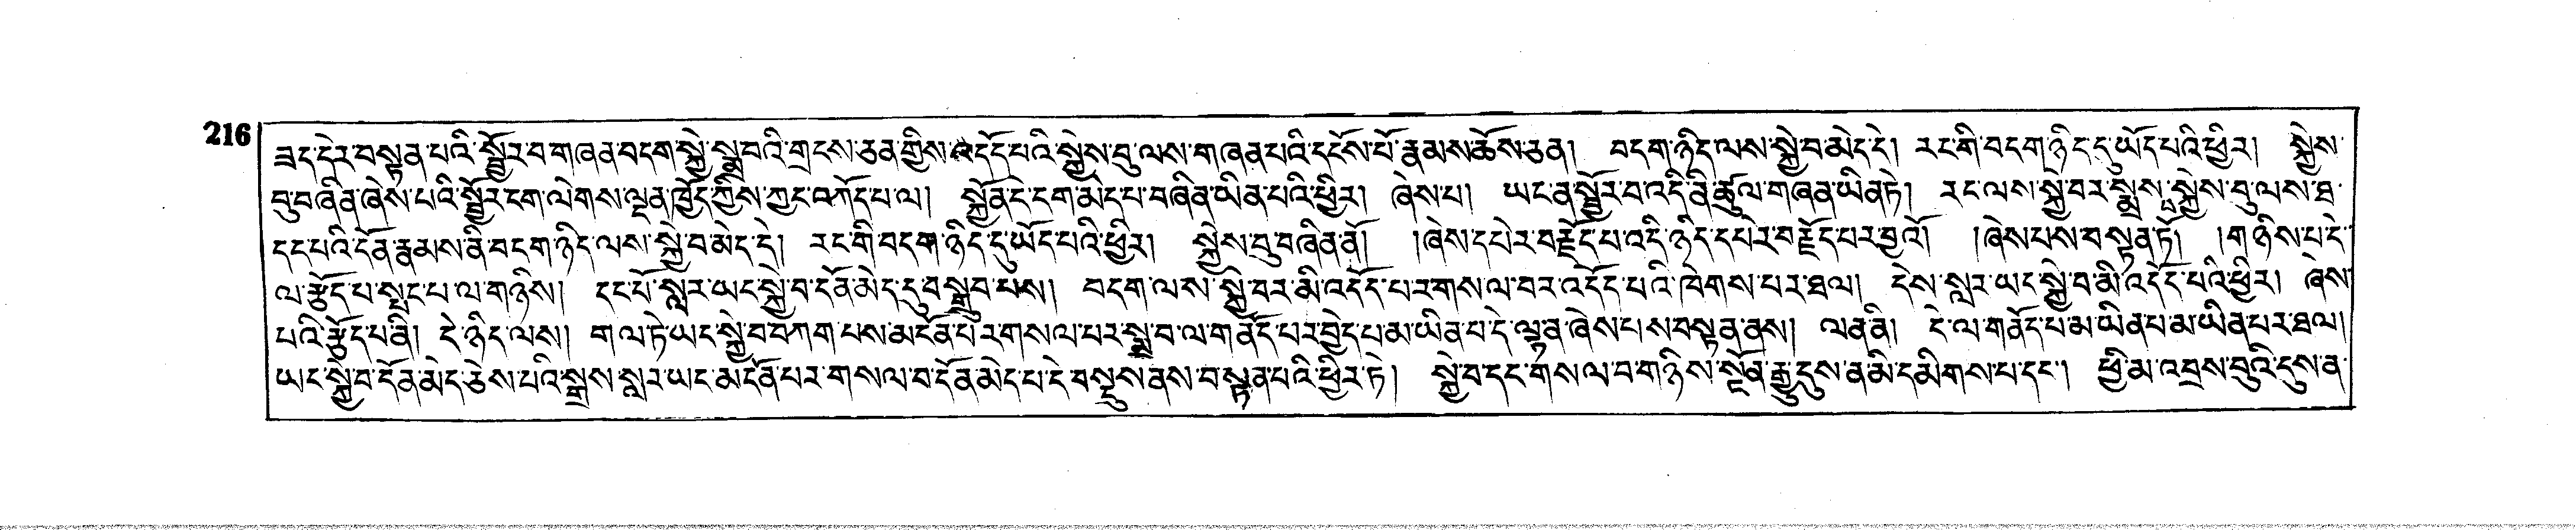ཟད་དེར་བསྟན་པའི་སྦྱོར་བ་གཞན་བདག་སྐྱེ་སྨྲ་བའི་གྲངས་ཅན་གྱིས་འདོད་པའི་སྐྱེས་བུ་ལས་གཞན་པའི་དངོས་པོ་རྣམས་ཆོས་ཅན། བདག་ཉིད་ལས་སྐྱེ་བ་མེད་དེ། རང་གི་བདག་ཉིད་དུ་ཡོད་པའི་ཕྱིར། སྐྱེས་
བུ་བཞིན་ཞེས་པའི་སྦྱོར་ངག་ལེགས་ལྡན་ཁྱོད་ཀྱིས་ཀྱང་བཀོད་པ་ལ། སྐྱོན་དེ་དག་མེད་པ་བཞིན་ཡིན་པའི་ཕྱིར། ཞེས་པ། ཡང་ན་སྦྱོར་བ་འདི་ནི་ཚུལ་གཞན་ཡིན་ཏེ། རང་ལས་སྐྱེ་བར་སྨྲས་པ་སྐྱེས་བུ་ལས་ཐ་
དད་པའི་དོན་རྣམས་ནི་བདག་ཉིད་ལས་སྐྱེ་བ་མེད་དེ། རང་གི་བདག་ཉིད་དུ་ཡོད་པའི་ཕྱིར། སྐྱེས་བུ་བཞིན་ནོ། །ཞེས་དཔེར་བརྗོད་པ་འདི་ཉིད་དཔེར་བརྗོད་པར་བྱའོ། །ཞེས་པས་བསྟན་ཏོ། །གཉིས་པ་དེ་
ལ་རྩོད་པ་སྤང་པ་ལ་གཉིས། དང་པོ་སླར་ཡང་སྐྱེ་བ་དོན་མེད་དུ་བསྒྲུབ་པས། བདག་ལས་སྐྱེ་བར་མི་འདོད་པར་གསལ་བར་འདོད་པའི་ཁེགས་པར་ཐལ། དེས་སླར་ཡང་སྐྱེ་བ་མི་འདོད་པའི་ཕྱིར། ཞེས་
པའི་རྩོད་པ་ནི། དེ་ཉིད་ལས། གལ་ཏེ་ཡང་སྐྱེ་བ་བཀག་པས་མངོན་པར་གསལ་བར་སྨྲ་བ་ལ་གནོད་པར་བྱེད་པ་མ་ཡིན་པ་དེ་ལྟ་ན་ཞེས་པས་བསྟན་ནས། ལན་ནི། དེ་ལ་གནོད་པ་མ་ཡིན་པ་མ་ཡིན་པར་ཐལ།
ཡང་སྐྱེ་བ་དོན་མེད་ཅེས་པའི་སྒྲས་སླར་ཡང་མངོན་པར་གསལ་བ་དོན་མེད་པ་དེ་བསྡུས་ནས་བ་སྟན་པའི་ཕྱིར་ཏེ། སྐྱེ་བ་དང་གསལ་བ་གཉིས་སྔོན་རྒྱུ་དུས་ན་མི་དམིགས་པ་དང་། ཕྱི་མ་འབྲས་བུའི་དུས་ན་